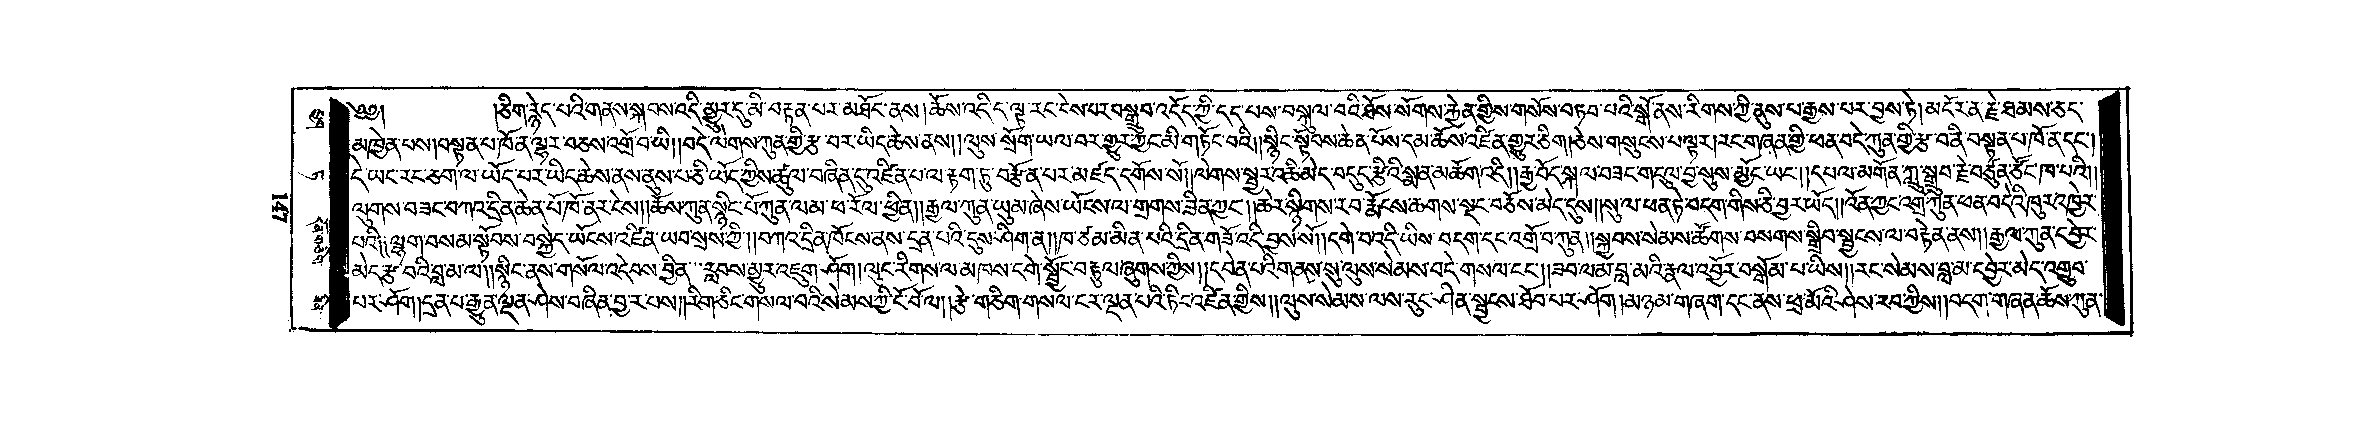༄༅། །ཅིག་རྙེད་པའི་གནས་སྐབས་འདི་མྱུར་དུ་མི་བརྟན་པར་མཐོང་ནས། ཆོས་འདི་ད་ལྟ་རང་ངེས་པར་བསྒྲུབ་འདོད་ཀྱི་དད་པས་བསྐུལ་བའི་ཐོས་སོགས་རྐྱེན་གྱིས་གསོས་བཏབ་པའི་སྒོ་ནས་རིགས་ཀྱི་ནུས་པ་རྒྱས་པར་བྱས་ཏེ། མདོར་ན་རྗེ་ཐམས་ཅད་
མཁྱེན་པས། བསྟན་པ་ཁོ་ན་ལྷར་བཅས་འགྲོ་བ་ཡི། །བདེ་ལེགས་ཀུན་གྱི་རྩ་བར་ཡིད་ཆེས་ནས། །ལུས་སྲོག་ཡལ་བར་གྱུར་ཀྱང་མི་གཏོང་བའི། །སྙིང་སྟོབས་ཆེན་པོས་དམ་ཆོས་འཛིན་གྱུར་ཅིག །ཅེས་གསུངས་པ་ལྟར། རང་གཞན་གྱི་ཕན་བདེ་ཀུན་གྱི་རྩ་བ་ནི་བསྟན་པ་ཁོ་ན་དང་།
དེ་ཡང་རང་ཅག་ལ་ཡོད་པར་ཡིད་ཆེས་ནས་ནུས་པ་ཅི་ཡོད་ཀྱིས་ཚུལ་བཞིན་དུ་འཛིན་པ་ལ་རྟག་ཏུ་བརྩོན་པར་མཛད་དགོས་སོ། །ལེགས་སྦྱར་འཆི་མེད་བདུད་རྩིའི་སྨན་མཆོག་འདི། །རྒྱ་བོད་སྐལ་བཟང་གདུལ་བྱ་སུས་མྱོང་ཡང་། །དཔལ་མགོན་ཀླུ་སྒྲུབ་རྗེ་བཙུན་ཙོང་ཁ་པའི། །
ལུགས་བཟང་བཀའ་དྲིན་ཆེན་པོ་ཁོ་ནར་ངེས། །ཆོས་ཀུན་སྙིང་པོ་ཀུན་ལམ་ཕ་རོལ་ཕྱིན། །རྒྱལ་ཀུན་ཡུམ་ཞེས་ཡོངས་ལ་གྲགས་ཟིན་ཀྱང་། །ཆེར་སྙིགས་རབ་རྨོངས་ཆགས་སྡང་བཅོས་མེད་དུས། །སུ་ལ་ཕན་ཏེ་བདག་གིས་ཅི་བྱར་ཡོད། །འོན་ཀྱང་འགྲོ་ཀུན་ཕན་བདེའི་ཁུར་འཁྱེར་
པའི། །ལྷག་བསམ་སྟོབས་བསྐྱེད་ཡོངས་འཛིན་ཡབ་སྲས་ཀྱི། །བཀའ་དྲིན་ཁོངས་ནས་དྲན་པའི་དུས་ཤིག་ན། །ཁ་ཙམ་མིན་པའི་དྲིན་གཟོ་འདི་བྱས་སོ། །དགེ་བ་འདི་ཡིས་བདག་དང་འགྲོ་བ་ཀུན། །སྐྱབས་སེམས་ཚོགས་བསགས་སྒྲིབ་སྦྱངས་ལ་བརྟེན་ནས། །རྒྱལ་ཀུན་དབྱེར་
མེད་རྩ་བའི་བླ་མ་ལ། །སྙིང་ནས་གསོལ་འདེབས་བྱིན་རླབས་མྱུར་འཇུག་ཤོག །ལུང་རིགས་ལ་མཁས་དགེ་སྦྱོང་བརྟུལ་ཞུགས་ཀྱིས། །དབེན་པའི་གནས་སུ་ལུས་སེམས་བདེ་གསལ་ངང་། །ཟབ་ལམ་བླ་མའི་རྣལ་འབྱོར་བསྒོམ་པ་ཡིས། །རང་སེམས་བླ་མ་དབྱེར་མེད་འགྲུབ་
པར་ཤོག །དྲན་པ་རྒྱུན་ལྡན་ཤེས་བཞིན་བྱ་ར་པས། །རིག་ཅིང་གསལ་བའི་སེམས་ཀྱི་ངོ་བོ་ལ། །རྩེ་གཅིག་གསལ་ངར་ལྡན་པའི་ཏིང་འཛིན་གྱིས། །ལུས་སེམས་ལས་རུང་ཤིན་སྦྱངས་ཐོབ་པར་ཤོག །མཉམ་གཞག་དང་ནས་ཕྲ་མོའི་ཤེས་རབ་ཀྱིས། །བདག་གཞན་ཆོས་ཀུན་